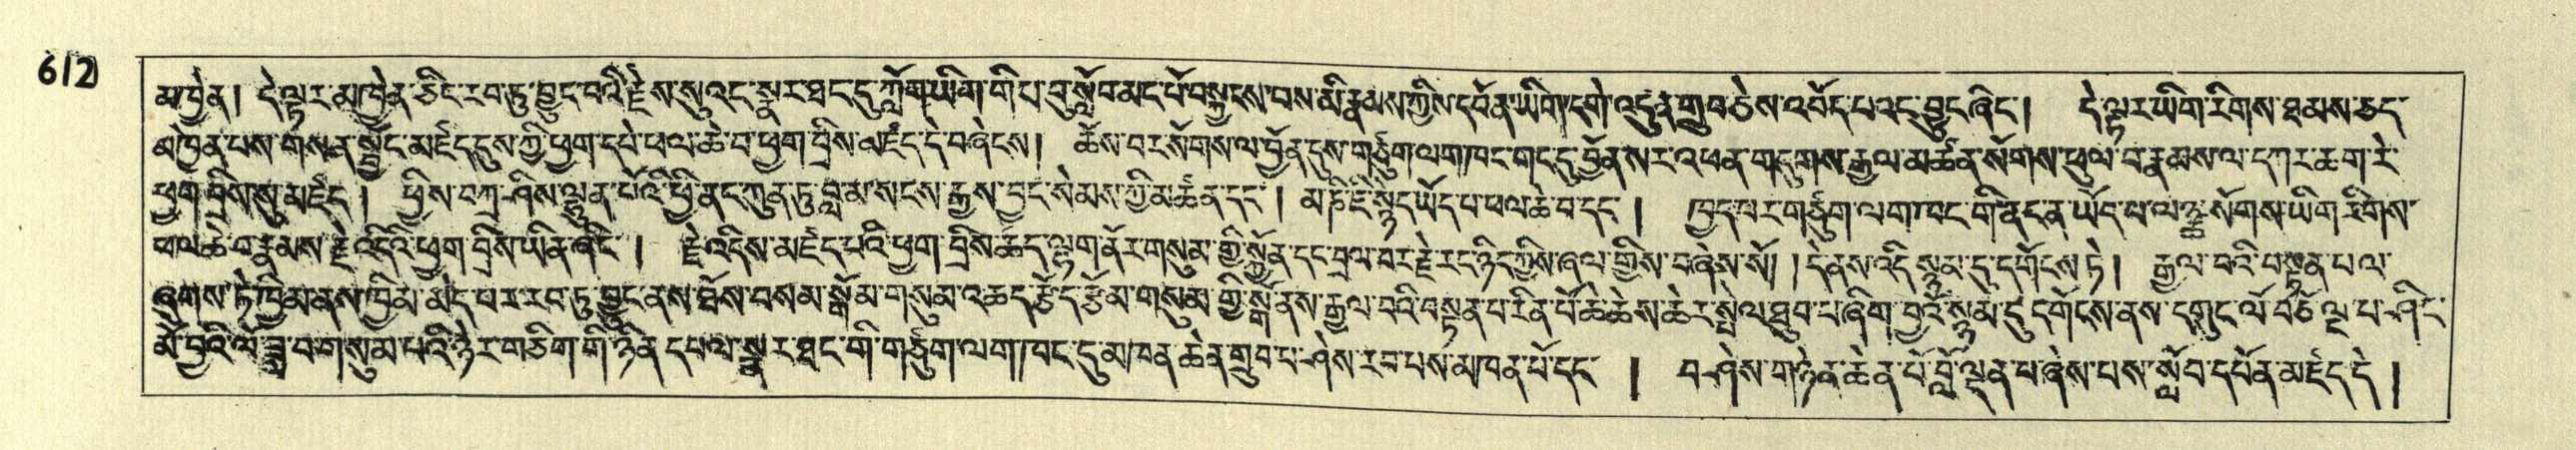མཁྱེན། དེ་ལྟར་མཁྱེན་ཅིང་རབ་ཏུ་བྱུང་བའི་རྗེས་སུའང་སྣར་ཐང་དུ་ཀློག་ཡིག་གི་པ་བུ་སློབ་མང་པོ་བསྐྱངས་བས་མི་རྣམས་ཀྱིས་དབོན་ཡིག་དགེ་འདུན་གྲུབ་ཅེས་འབོད་པའང་བྱུང་ཞིང་། དེ་ལྟར་ཡིག་རིགས་ཐམས་ཅད་
མཁྱེན་པས་གསན་སྦྱོང་མཛད་དུས་ཀྱི་ཕྱག་དཔེ་ཕལ་ཆེ་བ་ཕྱག་བྲིས་མཛད་དེ་བཞེངས། ཆོས་བར་སོགས་ལ་བྱོན་དུས་གཙུག་ལག་ཁང་གང་དུ་བྱོན་སར་འཕན་གདུགས་རྒྱལ་མཚན་སོགས་ཕུལ་བ་རྣམས་ལ་དཀར་ཆག་རེ་
ཕྱག་བྲིས་སུ་མཛད། ཕྱིས་བཀྲ་ཤིས་ལྷུན་པོའི་ཕྱི་ནང་ཀུན་ཏུ་བླ་མ་སངས་རྒྱས་བྱང་སེམས་ཀྱི་མཚན་དང་། མ་ཎི་ཇི་སྙེད་ཡོད་པ་ཕལ་ཆེ་བ་དང་། ཁྱད་པར་གཙུག་ལག་ཁང་གི་ནང་ན་ཡོད་པ་ལཉྪ་སོགས་ཡིག་རིགས་
ཕལ་ཆེ་བ་རྣམས་རྗེ་འདིའི་ཕྱག་བྲིས་ཡིན་ཞིང་། རྗེ་འདིས་མཛད་པའི་ཕྱག་བྲིས་ཆད་ལྷག་ནོར་གསུམ་གྱི་སྐྱོན་དང་བྲལ་བར་རྗེ་རང་ཉིད་ཀྱིས་ཞལ་གྱིས་བཞེས་སོ། །དེ་ནས་འདི་སྙམ་དུ་དགོངས་ཏེ། རྒྱལ་བའི་བསྟན་པལ་
ཞུགས་ཏེ་ཁྱིམ་ནས་ཁྱིམ་མེད་པར་རབ་ཏུ་བྱུང་ནས་ཐོས་བསམ་སྒོམ་གསུམ་འཆད་རྩོད་རྩོམ་གསུམ་གྱི་སྒོ་ནས་རྒྱལ་བའི་བསྟན་པ་རིན་པོ་ཆེ་ཆེས་ཆེར་སྤེལ་ཐུབ་པ་ཞིག་བྱའོ་སྙམ་དུ་དགོངས་ནས་དགུང་ལོ་བཅོ་ལྔ་པ་ཤིང་
མོ་བྱའི་ལོ་ཟླ་བ་གསུམ་པའི་ཉེར་གཅིག་གི་ཉིན་དཔལ་སྣར་ཐང་གི་གཙུག་ལག་ཁང་དུ་མཁན་ཆེན་གྲུབ་པ་ཤེས་རབ་པས་མཁན་པོ་དང་། བཤེས་གཉེན་ཆེན་པོ་བློ་ལྡན་པ་ཞེས་པས་སློབ་དཔོན་མཛད་དེ་།